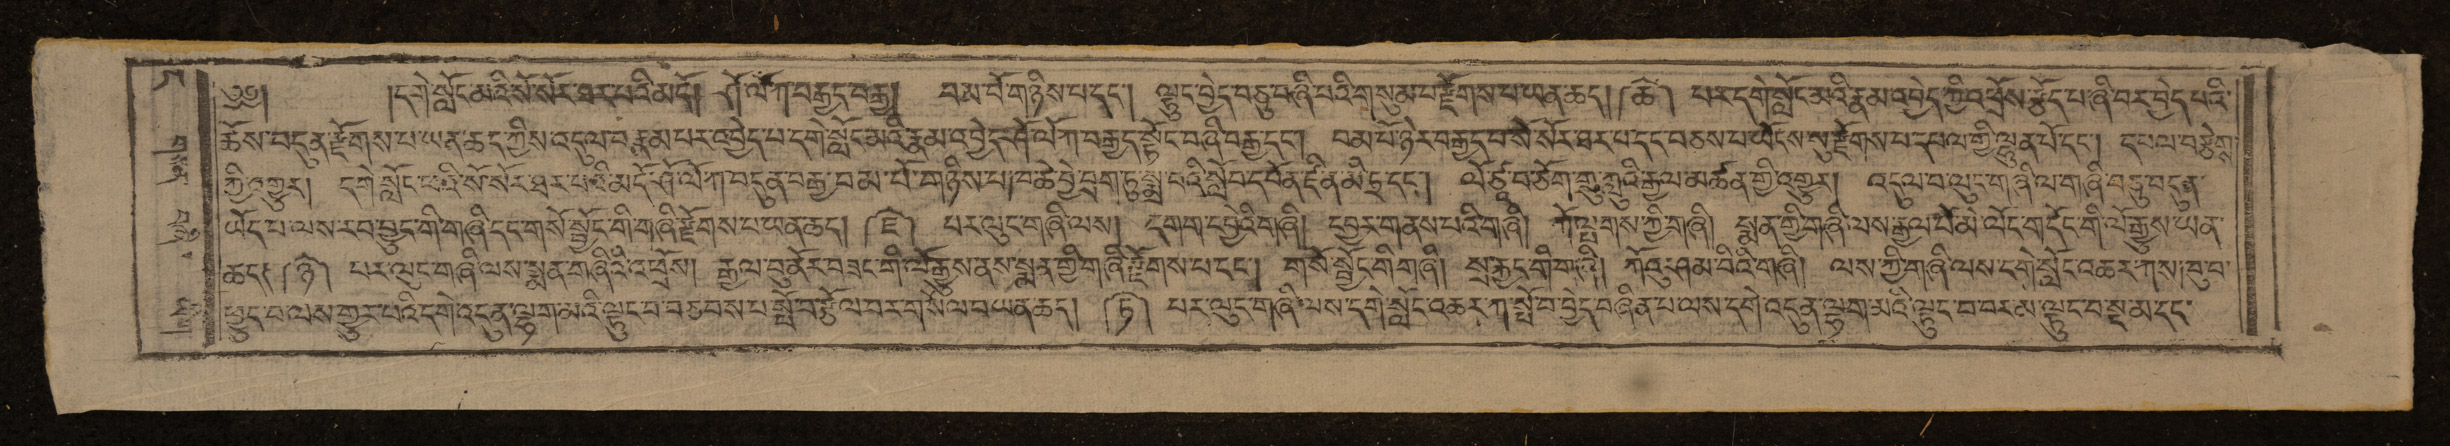༄༅། །དགེ་སློང་མའི་སོ་སོར་ཐར་པའི་མདོ། ཤོ་ལོ་ཀ་བརྒྱད་བརྒྱ། བམ་པོ་གཉིས་པ་དང་། ལྟུང་བྱེད་བཅུ་བཞི་པའི་གསུམ་པ་རྫོགས་པ་ཡན་ཆད། {ཆ}་པར་དགེ་སློང་མའི་རྣམ་འབྱེད་ཀྱི་འཕྲོས་རྩོད་པ་ཞི་བར་བྱེད་པའི་
ཆོས་བདུན་རྫོགས་པ་ཡན་ཆད་ཀྱིས་འདུལ་བ་རྣམ་པར་འབྱེད་པ་དགེ་སློང་མའི་རྣམ་འབྱེད་ཤོ་ལོ་ཀ་བརྒྱད་སྟོང་བཞི་བརྒྱ་དང་། བམ་པོ་ཉེར་བརྒྱད་པ་སོ་སོར་ཐར་པ་དད་བཅས་པ་ཡོངས་སུ་རྫོགས་པ་དཔལ་གྱི་ལྷུན་པོ་དང་། དཔལ་བརྩེགས་
ཀྱི་འགྱུར། དགེ་སློང་ཕའི་སོ་སོར་ཐར་པའི་མདོ་ཤོ་ལོ་ཀ་བདུན་བརྒྱ་བ་མ་པོ་གཉིས་པ་ཁ་ཆེ་བྱེ་བྲག་ཏུ་སྨྲ་པའི་སློབ་དཔོན་ཛིན་མི་ཏྲ་དང་། ལོ་ཙཱ་པ་ཅོག་གྱུ་ཀྲུའི་རྒྱལ་མཚན་གྱི་འགྱུར། འདུལ་བ་ལུང་གཞི་ལ་གཞི་བཅུ་བདུན་
ཡོད་པ་ལས་རབ་བྱུང་གི་གཞི་དང་གསོ་སྦྱོང་གི་གཞི་རྫོགས་པ་ཡན་ཆད། {ཇ}་པར་ལུང་གཞི་ལས། དགག་དབྱེའི་གཞི། དབྱར་གནས་པའི་གཞི། ཀོ་ལྤགས་ཀྱི་གཞི། སྨན་གྱི་གཞི་ལས་རྒྱལ་པོ་མེ་ལོང་གདོང་གི་ལོ་རྒྱུས་ཡན་
ཆད། {ཉ}་པར་ལུང་གཞི་ལས་སྨན་གཞིའི་འཕྲོས། རྒྱལ་བུ་ནོར་བཟང་གི་ལོ་རྒྱུས་ནས་སྨན་གྱི་གཞི་རྫོགས་པ་དང་། གསོ་སྦྱོང་གི་གཞི། སྲ་རྐྱང་གི་གཞི། ཀོའུ་ཤམ་བིའི་གཞི། ལས་ཀྱི་གཞི་ལས་དགེ་སློང་འཆར་ཀས་ཁུ་བ་
ཕྱུད་པ་ལས་གྱུར་པའི་དགེ་འདུན་ལྷག་མའི་ལྟུང་པ་བཅབས་པ་སྤོ་བ་རྩོལ་བར་གསོལ་བ་ཡན་ཆད། {ཏ}་པར་ལུང་གཞི་ལས་དགེ་སློང་འཆར་ཀ་སྤོ་བ་བྱེད་བཞིན་པ་ལས་དགེ་འདུན་ལྷག་མའི་ལྷུང་བ་བར་མ་ལྷུང་བ་སྔ་མ་དང་